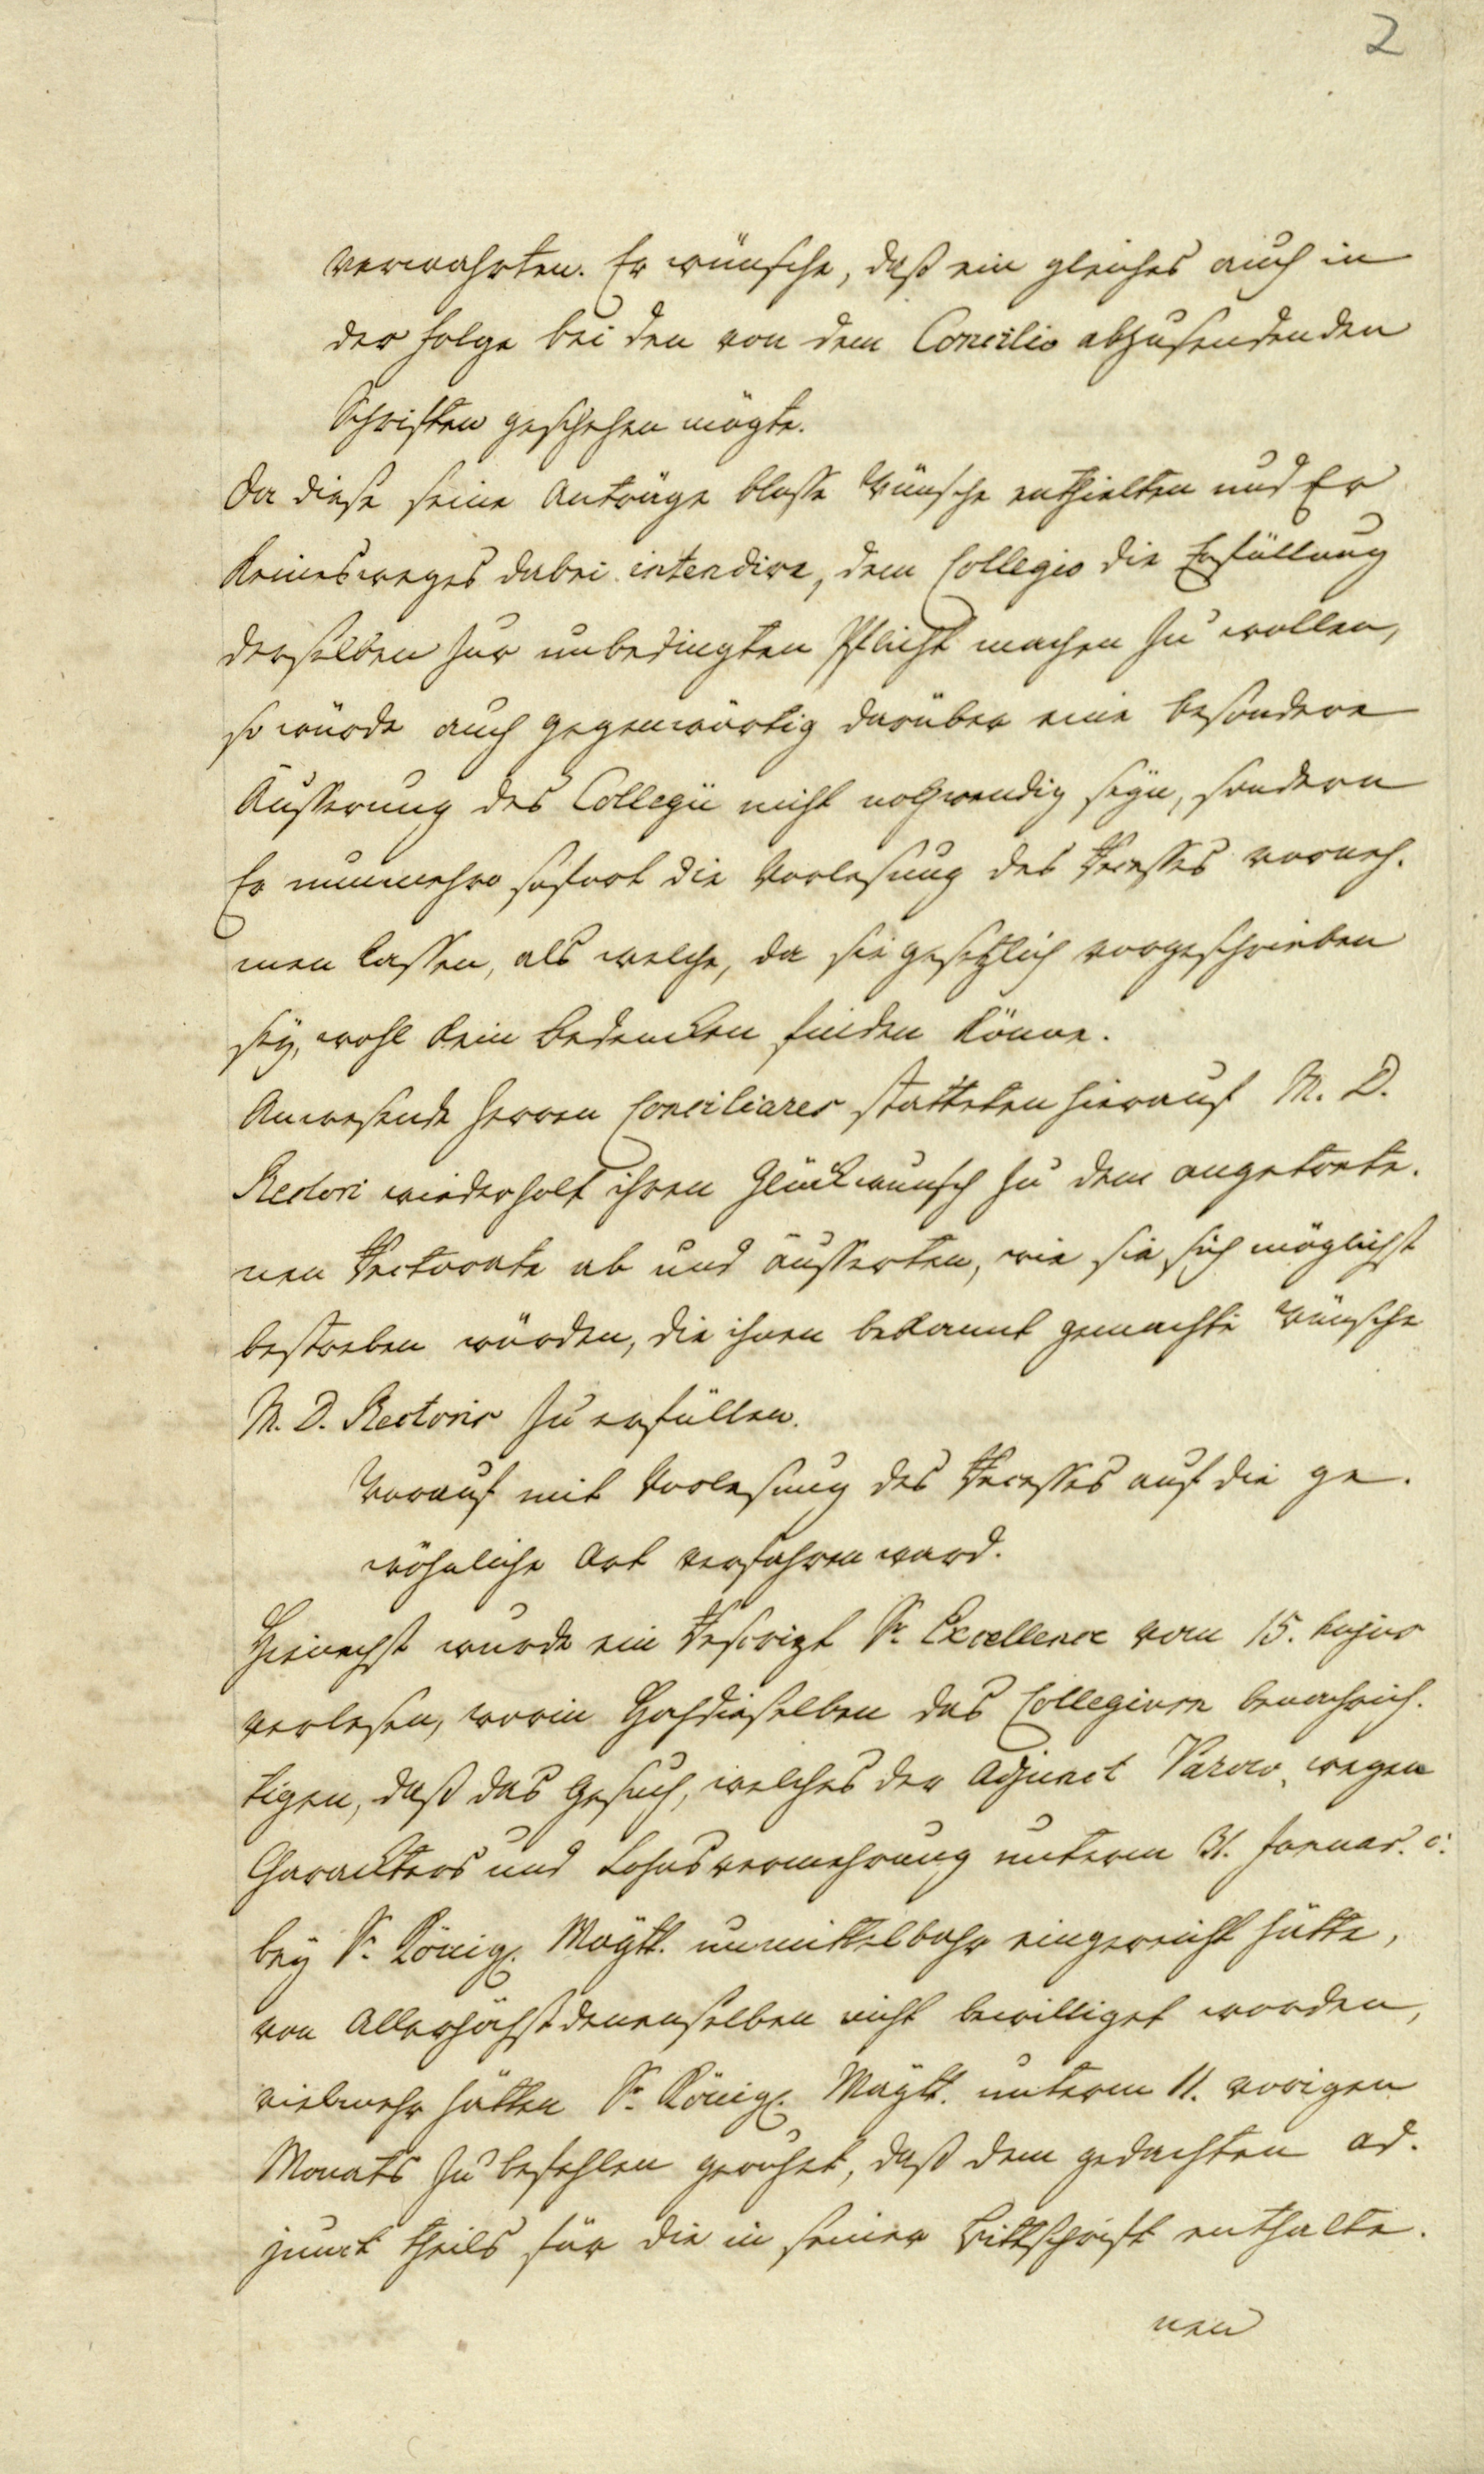verwahrten. Er wünsche, daß ein gleiches auch in
der Folge bei den von dem Concilio abzusendenden
Schriften geschehen mögte.
Da diese, seine Anträge blosse Wünsche enthielten und Er
keines weges dabei intendire, dem Collegio die Erfüllung
derselben zur unbedingten Pflicht machen zu wollen,
so würde auch gegenwärtig darüber eine besondere
Äusserung des Collegii nicht nothwendig seÿn, sondern
Er nunmehro sofort die Verlesung des Recesses vorneh¬
men lassen, als welche, da sie gesetzlich vorgeschrieben
seÿ, wohl kein Bedencken finden könne.
Anwesende herren Conciliares statteten hierauf M. D.
Rectori wiederholt ihren Glückwunsch zu dem angetrete¬
nen Rectorate ab und äusserten, wie sie sich möglichst
bestreben würden, die ihnen bekannt gemachte Wünsche
M. D. Rectoris zu erfüllen.
Worauf mit Verlesung des Recesses auf die ge¬
wöhnliche Art verfahren ward.
Hienechst wurde ein Rescript Sr. Excellence vom 15. hujus
verlesen, worin Hochdieselben das Collegium benachrich¬
tigen, daß das Gesuch, welches der Adjunct Parow wegen
Charackters und Lohnsvermehrung unterm 31. Januar. c.
beÿ Sr. Königl. Maÿtt. unmittelbahr eingereicht hätte,
von allerhöchst denenselben nicht bewilliget worden,
vielmehr hätten Sr. Königl. Maÿtt. unterm 11. vorigen
Monats zu befehlen geruhet, daß dem gedachten ad¬
junct theils für die in seiner Bittschrift enthalte¬
nen